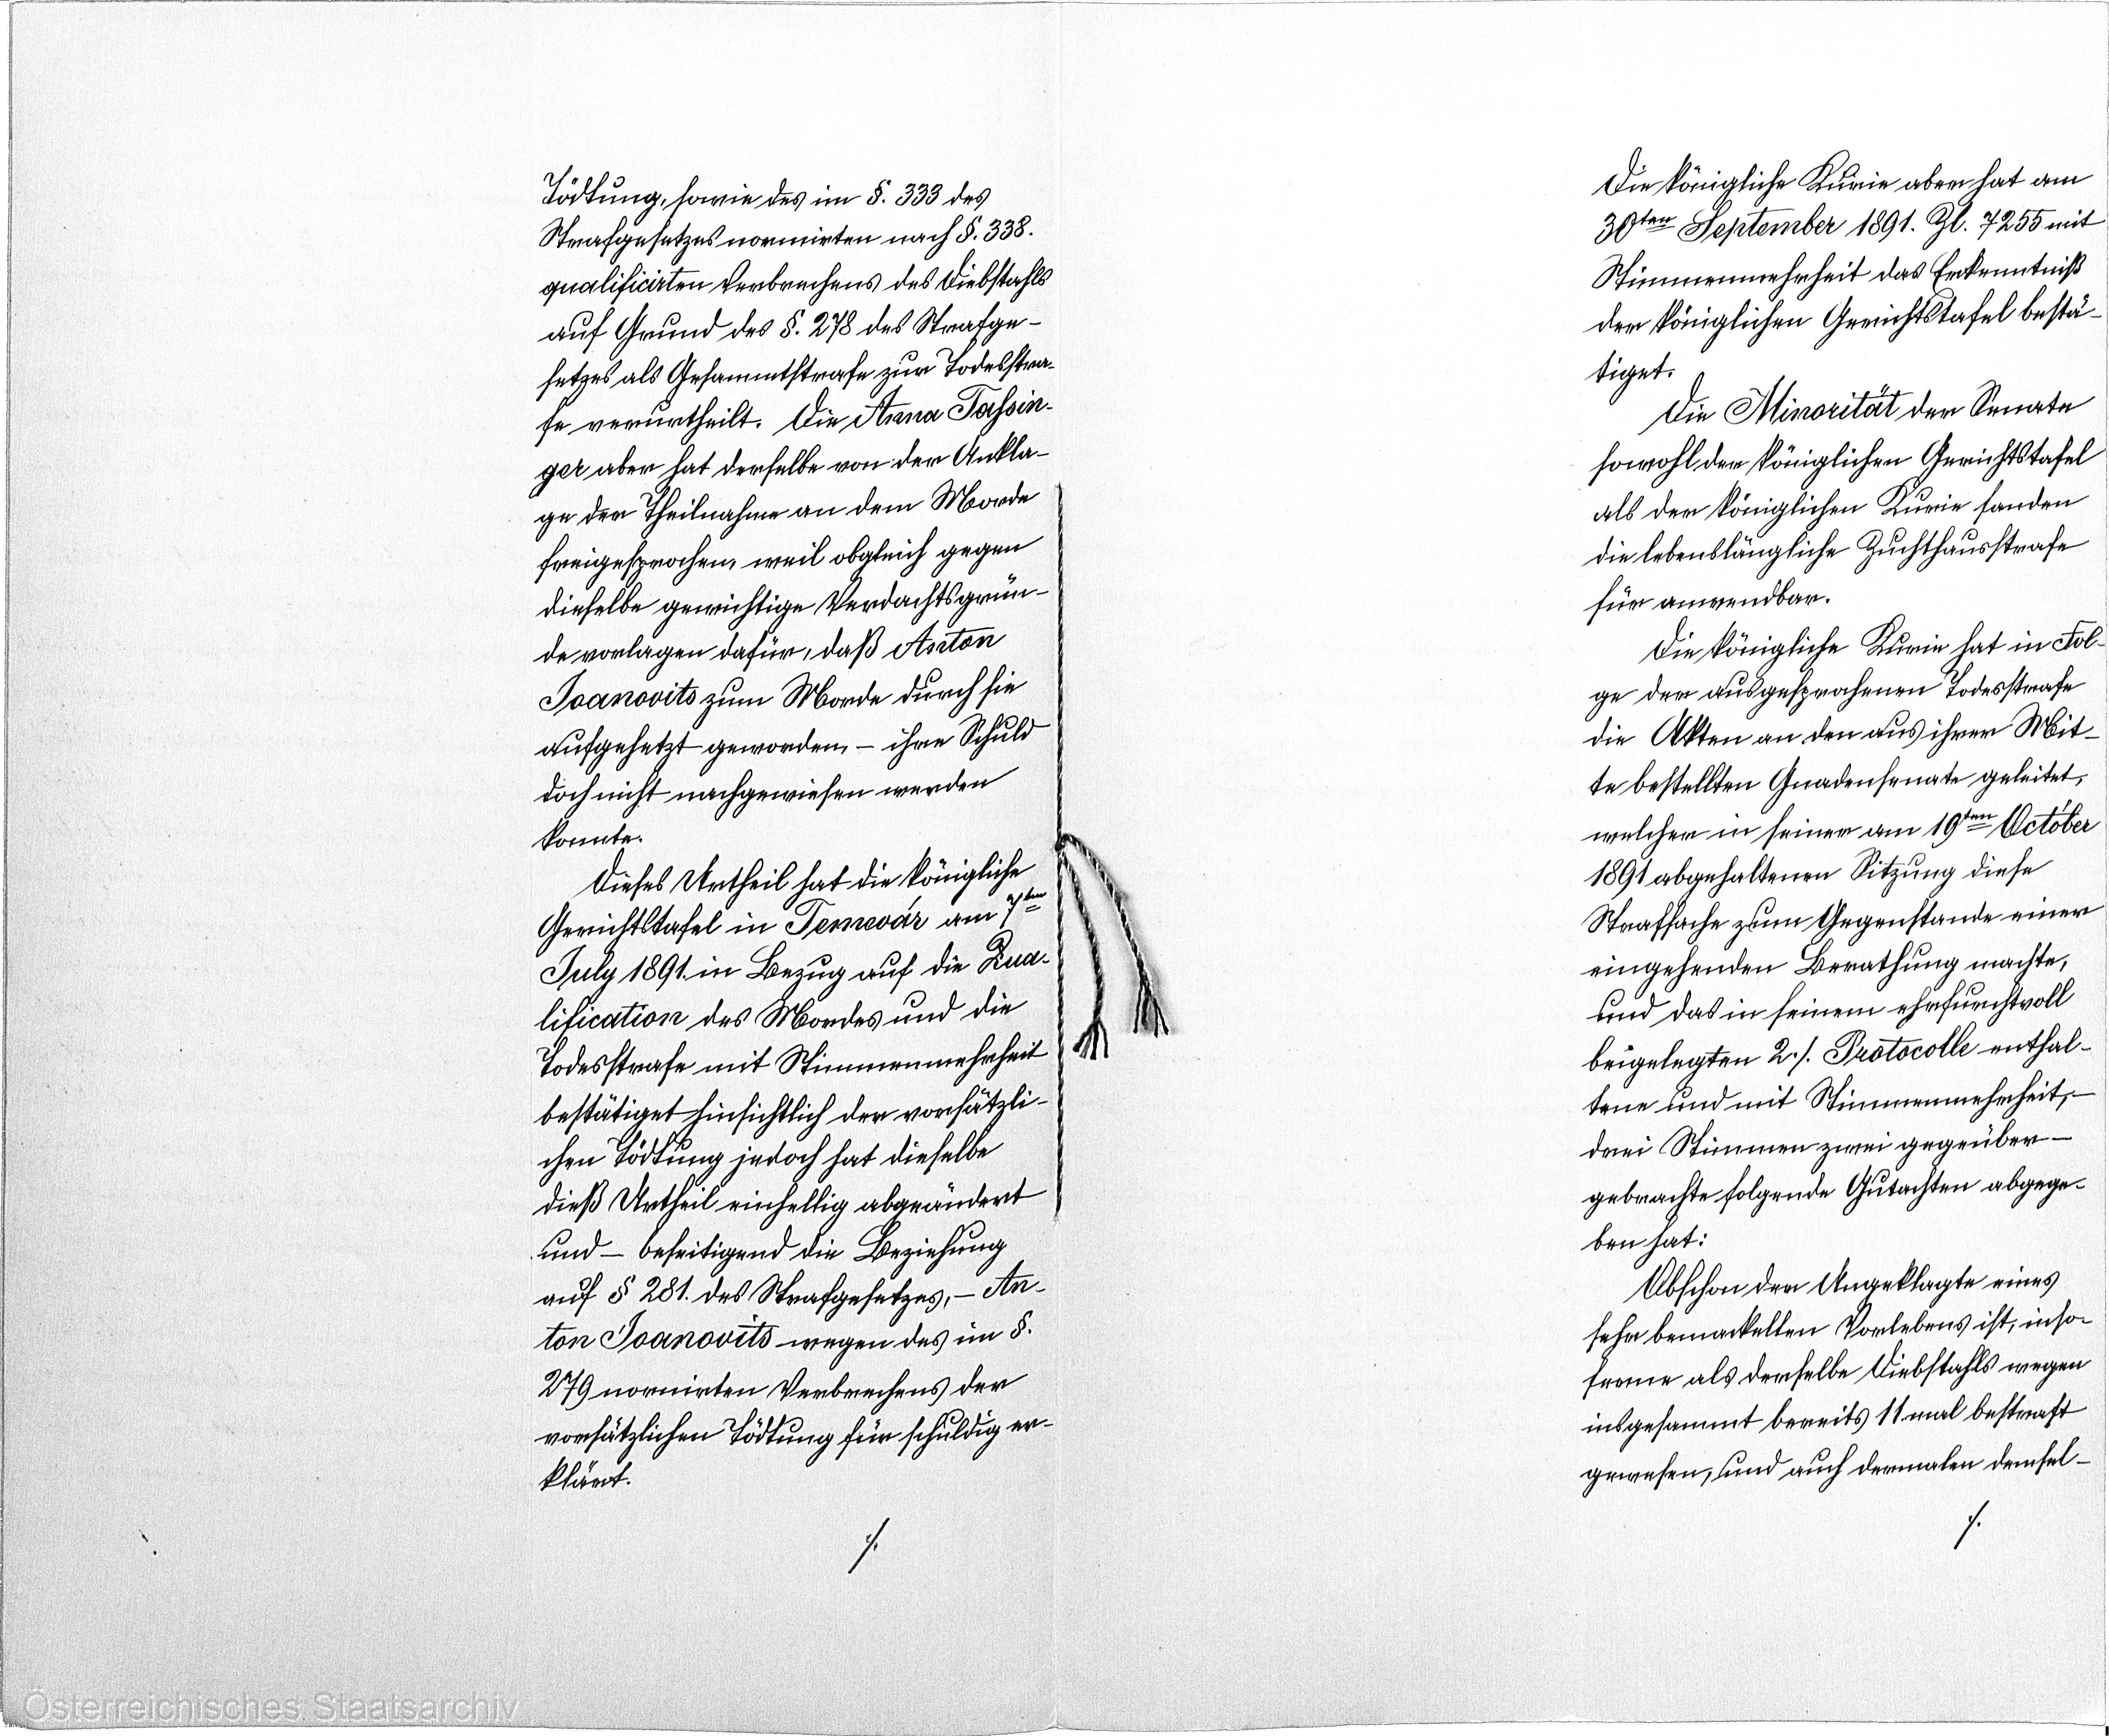Tödtung, sowie des im §333 des
Strafgesetzes normirten nach §338
qualificirten Verbrechens des Diebstahls
auf Grund des §278 des Strafge¬
setzes als Gesammtstrafe zur Todesstra¬
fe verurtheilt. Die Anna Tassin¬
ger aber hat derselbe von der Ankla¬
ge der Theilnahme an dem Morde
freigesprochen weil obgleich gegen
dieselbe gerichtige Verdachtsgrün¬
de vorlagen dafür, daß Anton
Joanovits zum Morde durch sie
aufgehetzt geworden – ihre Schuld
doch nicht nachgewiesen warden
konnte.
Dieses Urtheil hat die königliche
Gerichtstafel in Temevár am 7ten
July 1891 in Bezug auf die Qua¬
lification des Mordes und die
Todesstrafe mit Stimmenmehrheit
bestätiget hinsichtlich der vorsätzli¬
chen Tödtung jedoch hat dieselbe
dieß Urtheil einhellig abgeändert
und – beseitigend die Beziehung
auf §281 des Strafgesetzes, -- An¬
ton Ioanovits wegen des im §
279 normirten Verbrechens der
vorsätzlichen Tödtung für schuldig er¬
klärt.
Die königliche Kurie aber hat am
30ten September 1891 Zl 7255 mit
Stimmenmehrheit das Erkenntniß
der königlichen Gerichtstafel bestä¬
tigt.
Die Minorität der Senate
sowohl der königlichen Gerichtstafel
als der königlichen Kurie fanden
die lebenslängliche Zuchthausstrafe
für anwendbar.
Die königliche Kurie hat in Fol¬
ge der ausgesprochenen Todesstrafe
die Akten an den aus ihrer Mit¬
te bestellten Gnadensenate geleitet,
welcher in seiner am 19ten October
1891 abgehaltenen Sitzung diese
Strafsache zum Gegenstande einer
eingehenden Berathung machte,
und das in seinem ehrfurchtvoll
beigelegten 2) Protocolle enthal¬
tene und mit Stimmenmehrheit,
drei Stimmen zwei gegeüber –
gebrachte folgende Gutachten abgege¬
ben hat:
Obschon der Angeklagte eines
sehr bemackelten Vorlebens ist, inso¬
ferne als derselbe Diebstahls wegen
insgesammt bereits 11mal bestraft
gewesen, und auch dermalen damsel¬